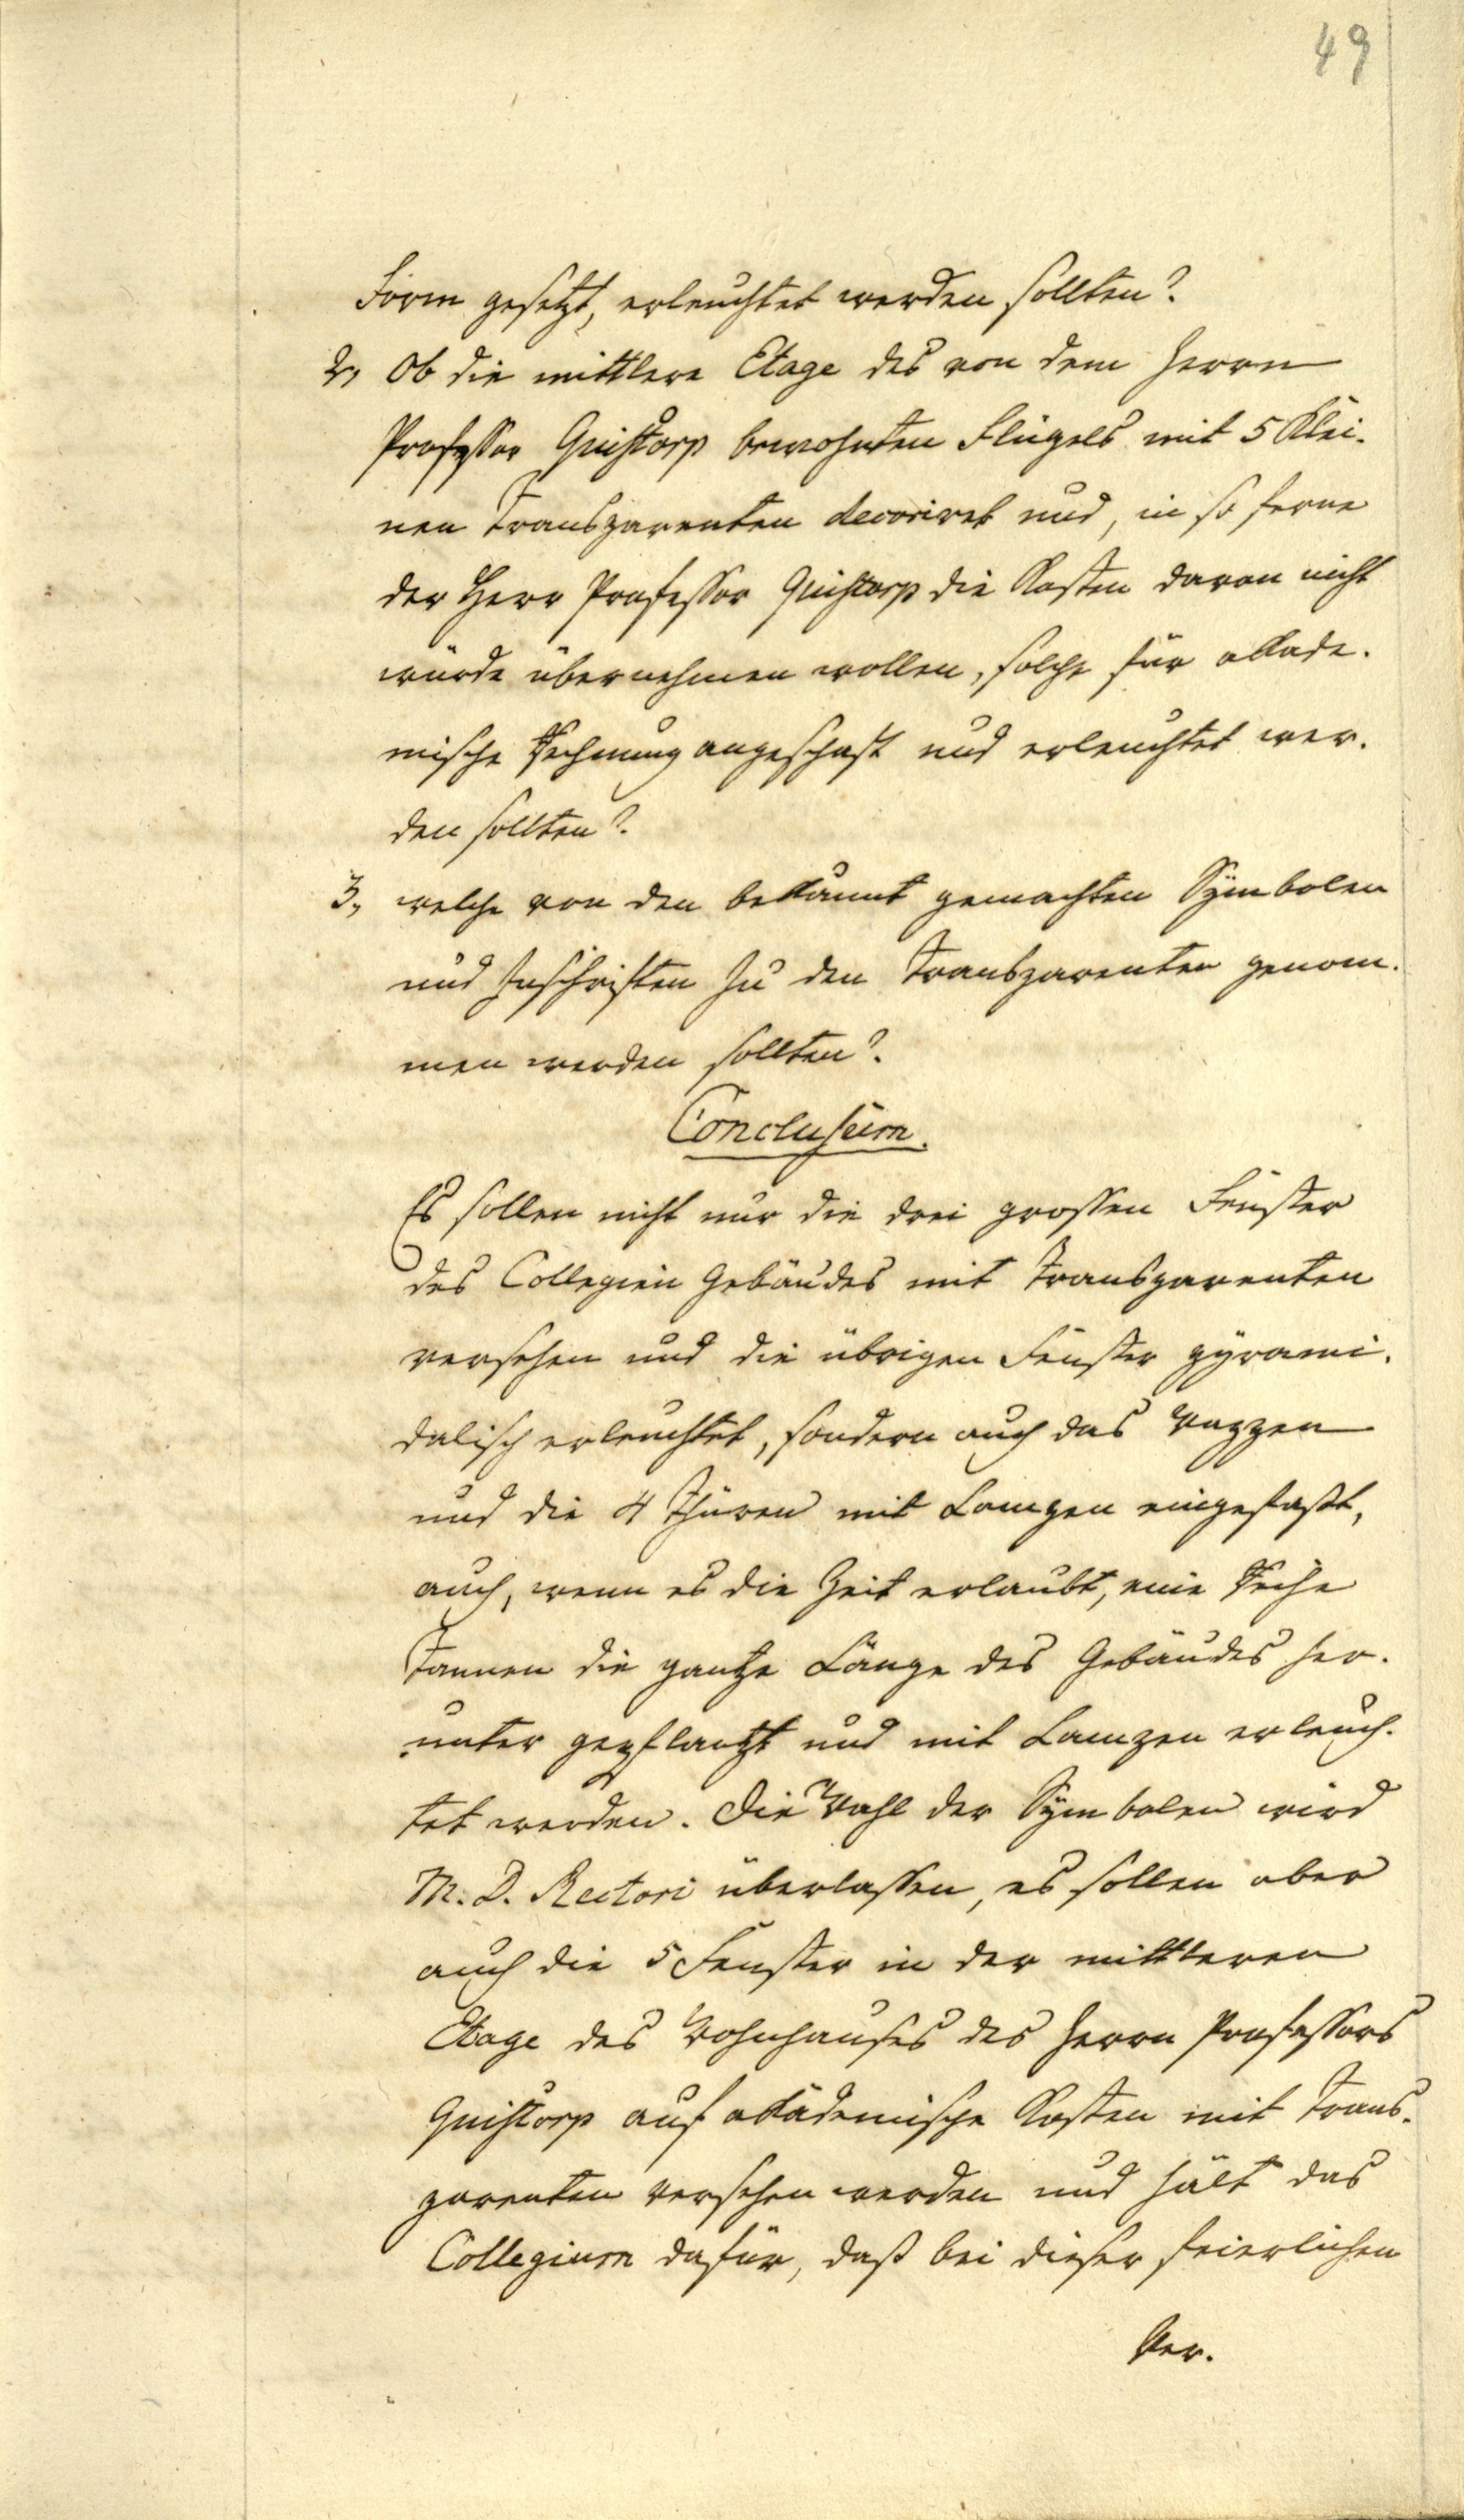Form gesetzt, erleuchtet werden sollten?
2., Ob die mittlere Etage des von dem Herrn
Professor Quistorp bewohnten Flügels mit 5 klei¬
nen Transparenten decoriret und, in so ferne
der Herr Professor Quistorp die Kosten davon nicht
würde über nehmen wollen, solche für akade¬
mische Rechnung angeschaft und erleuchtet wer¬
de sollten?
3., welche von den bekannt gemachten Sÿmbolen
und Inschriften zu den Transparenten genom¬
men werden sollten?
Conclusum.
Es sollen nicht nur die drei grossen Fenster
des Collegien Gebäudes mit Transparenten
versehen und die übrigen Fenster pÿrami¬
dalisch erleuchtet, sondern auch das Wappen
und die 4 Thüren mit Lampen eingefaßt,
auch, wenn es die Zeit erlaubt, eine Reihe
Tannen die gantze Länge des Gebäudes her¬
unter gepflanzt und mit Lampen er leuch¬
tet werden. Die Wahl der Sÿmbolen wird
M. D. Rectori überlassen, es sollen aber
auch die 5 Fenster in der mittleren
Etage des Wohnhauses des Herrn Professors
Quistorp auf akademische Kosten mit Trans¬
parenten versehen werden und hält das
Collegium dafür, daß bei dieser feierlichen
Ver.